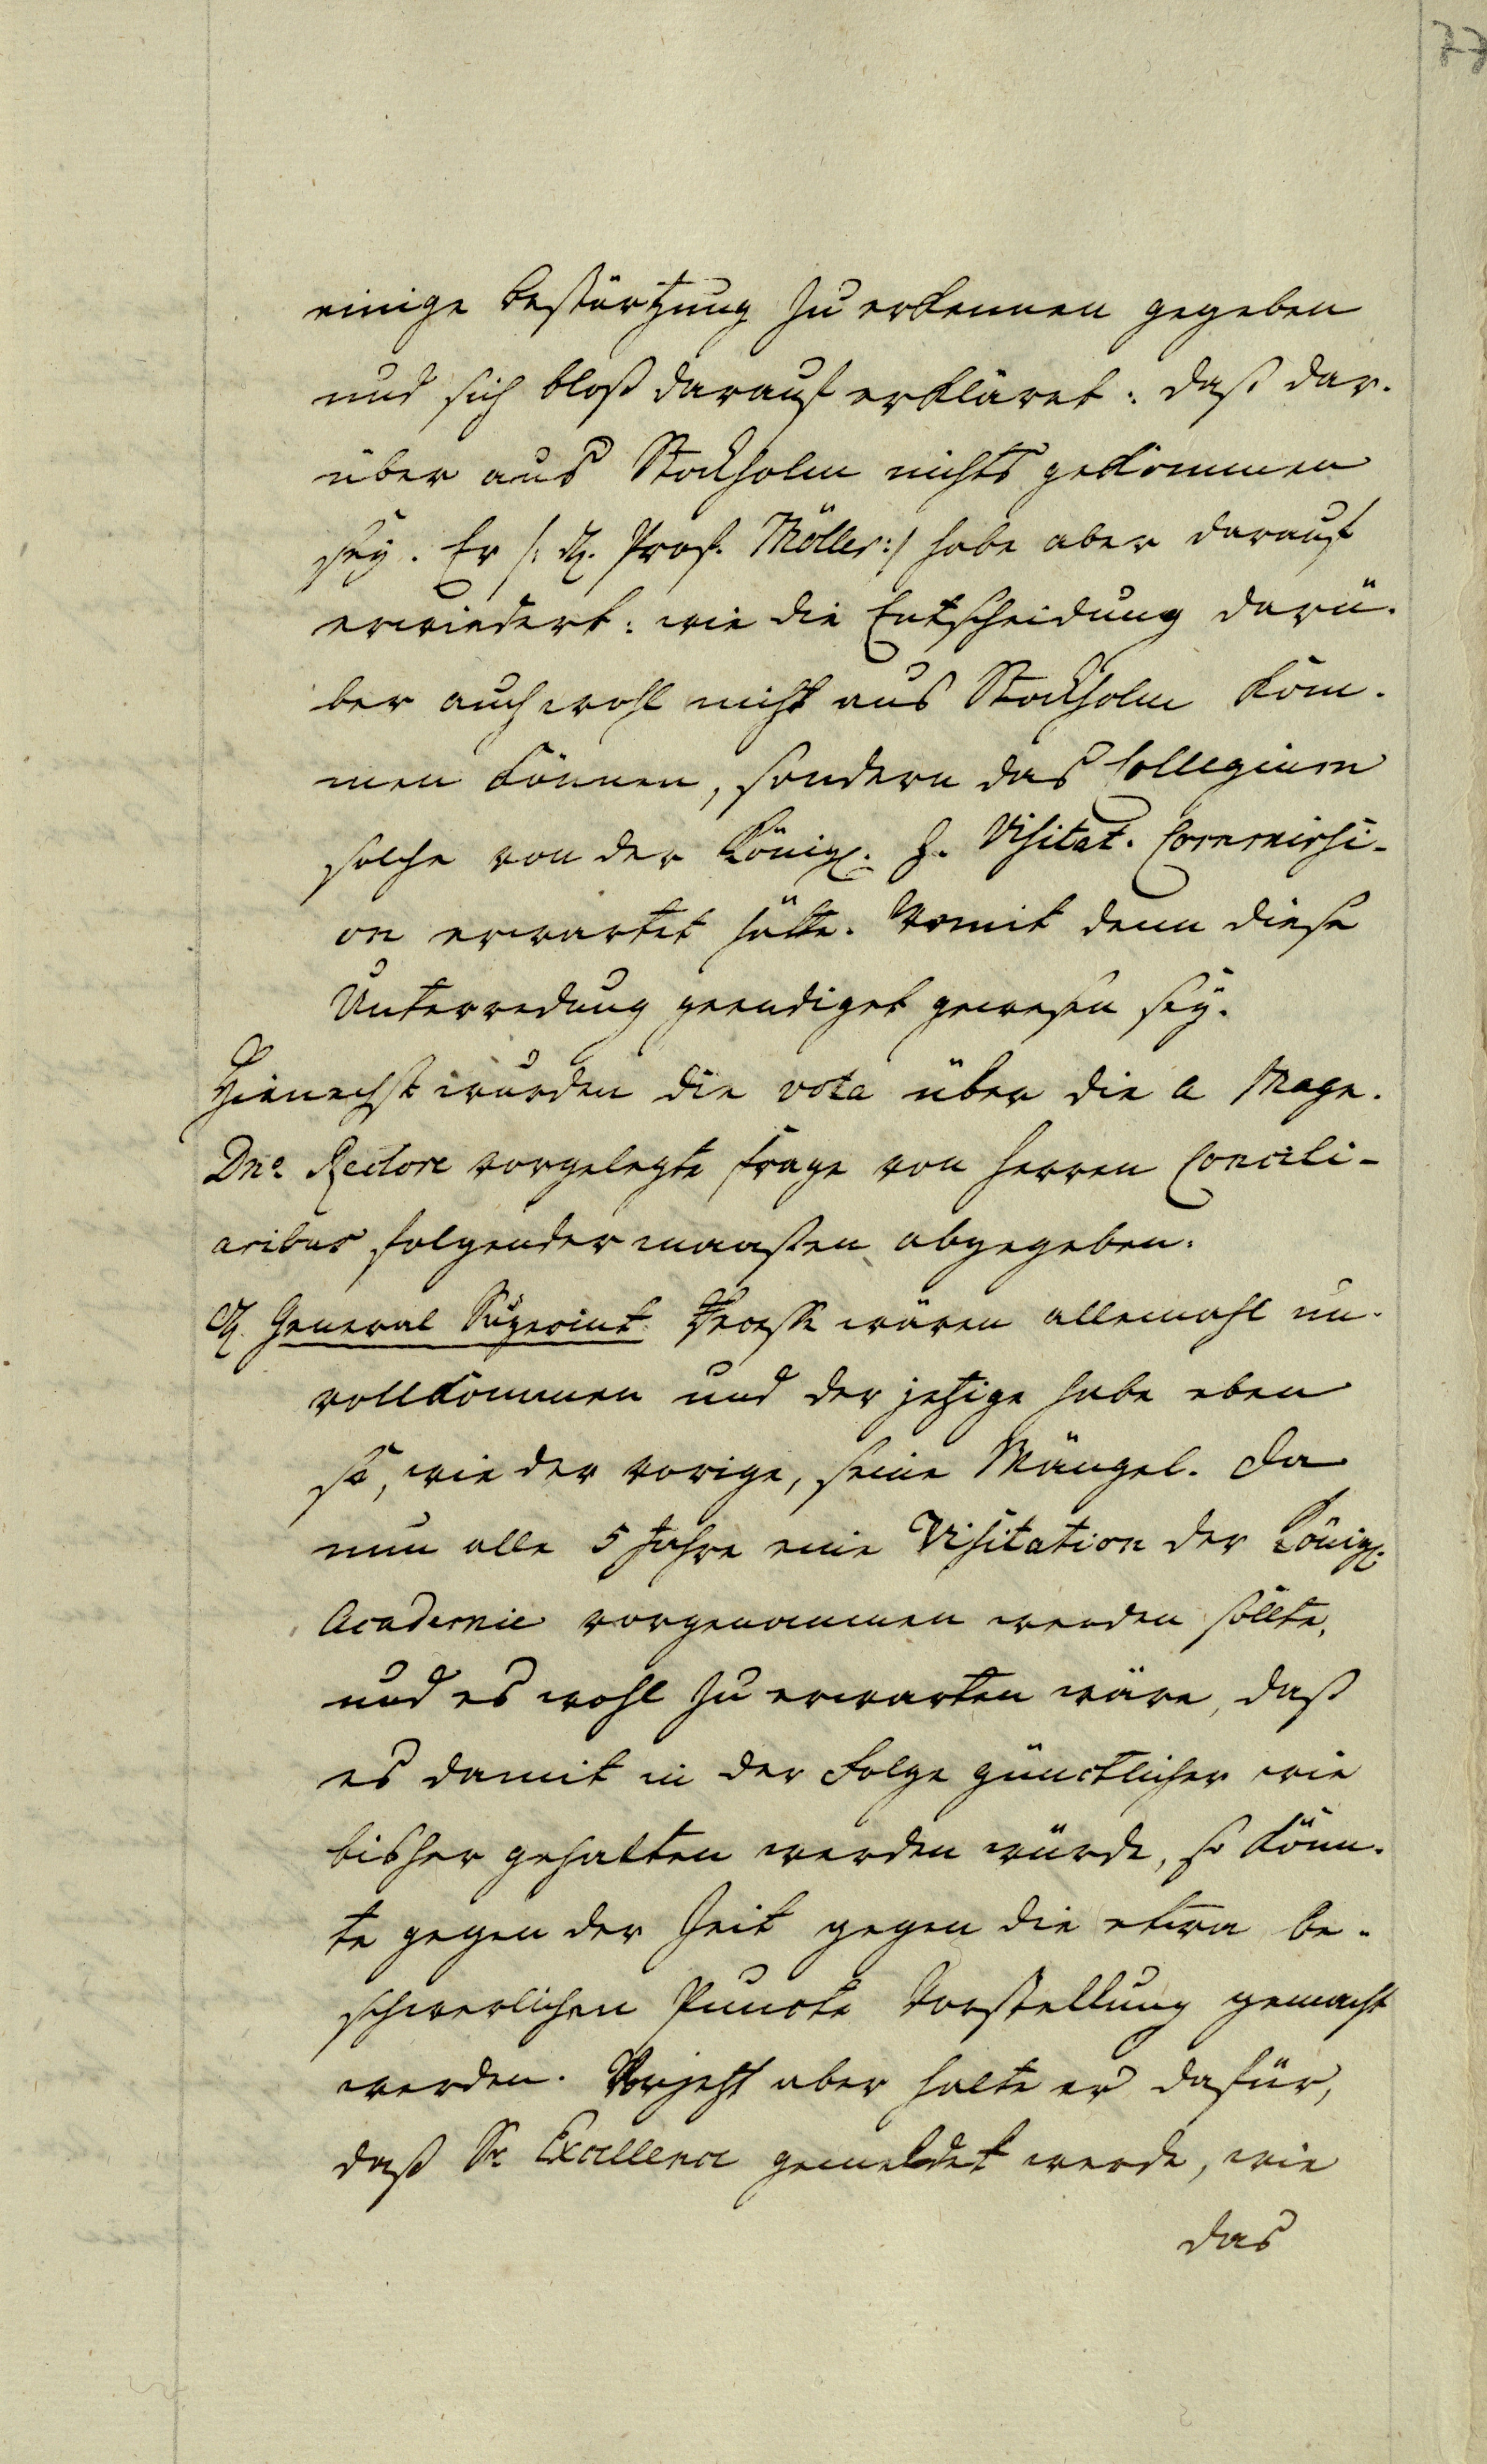einige Bestürtzung zu erkennen gegeben
und sich bloß darauf erkläret: daß dar¬
über aus Stockholm nichts gekommen
seÿ. Er /: dh. Prof. Möller :/ habe aber darauf
erwiedert: wie die Entscheidung darü¬
ber auch wohl nicht aus Stockholm kom¬
men können, sondern das Collegium
solche von der Königl. H. Visitat. Commissi¬
on erwartet hätte. Womit denn diese
Unterredung geendiget gewesen seÿ.
Hienechst wurden die vota über die a Magn.
Dn. Rectore vorgelegte Frage von Herren Concili¬
aribus folgendermaaßen abgegeben:
dh. General Superint. Recess wären allemahl un¬
vollkommen und der jetzige habe eben
so, wie der vorige, seine Mängel. Da
nun alle 5 Jahre eine Visitation der Königl.
Academie vorgenommen werden sollte,
und es wohl zu erwarten wäre, daß
es damit in der Folge günstlicher wie
bisher gehalten werden würde, so könn¬
te gegen der Zeit gegen die etwa be¬
schwerlichen Puncte Vorstellung gemacht
werden. Vorjetzt aber halte er dafür,
daß Sr Excellence gemeldet werde, wie
das